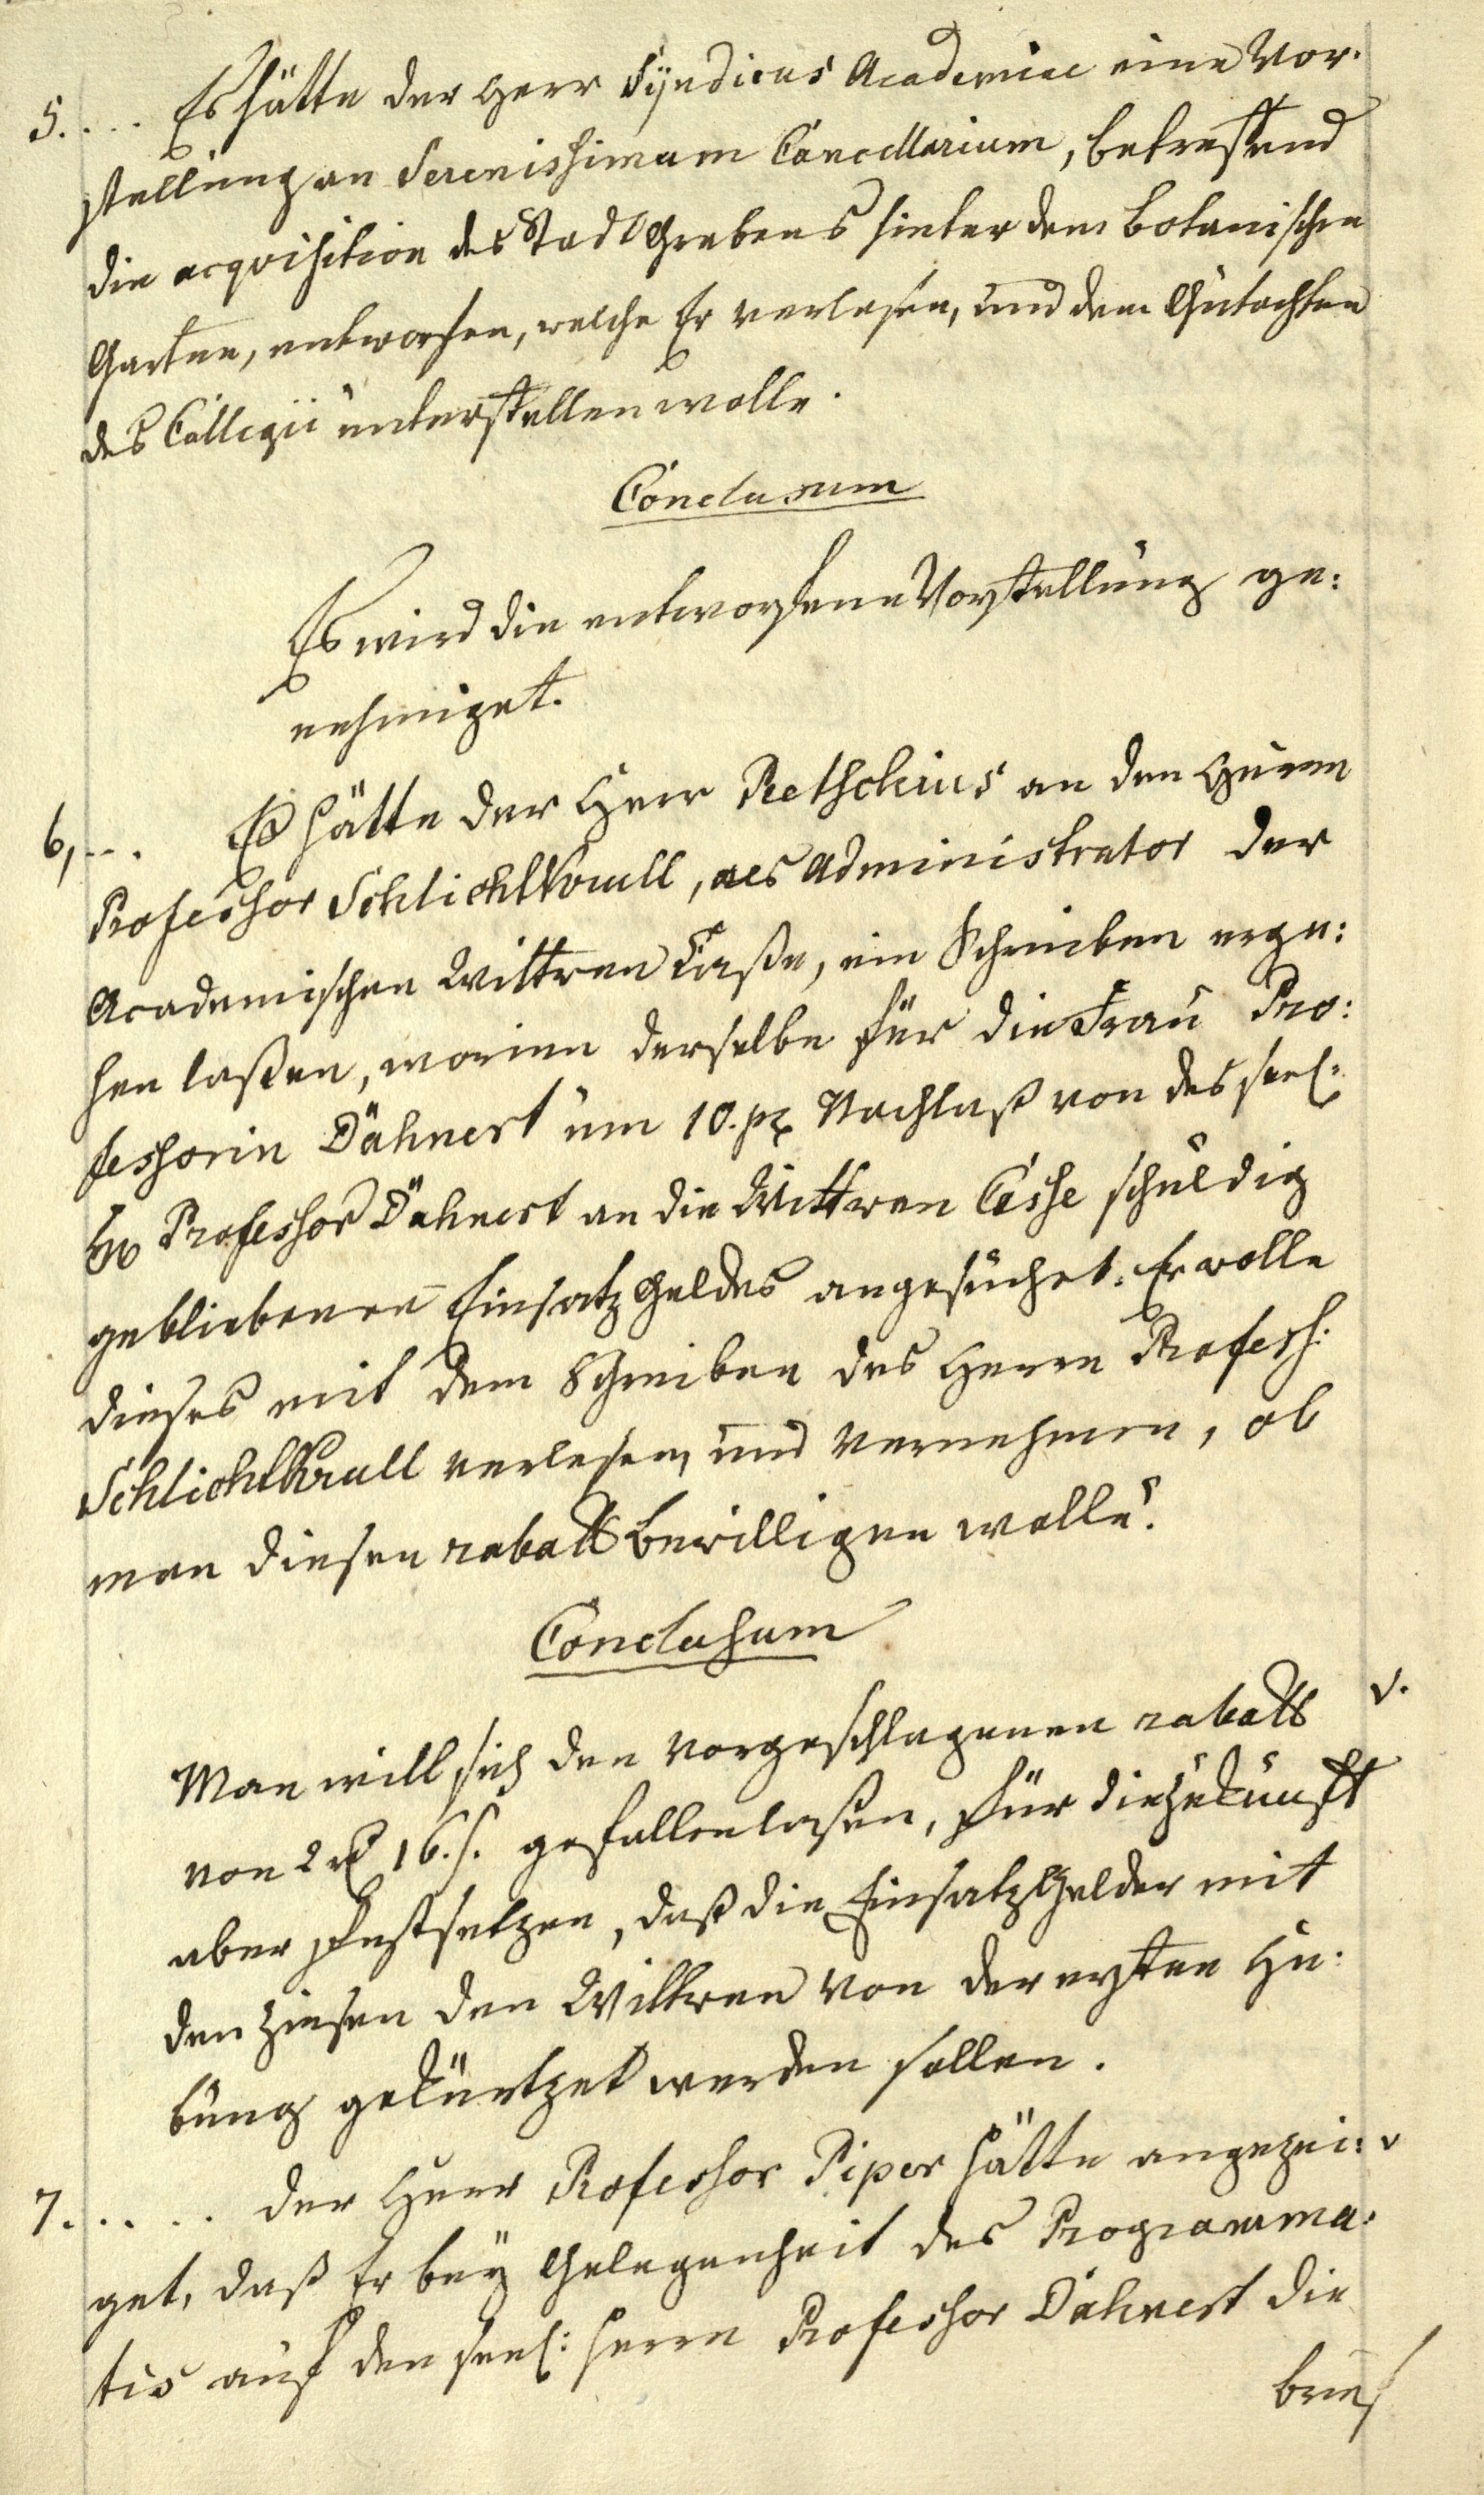5. Es hätte der Herr Sÿndicus Academiae eine Vor¬
stellung an Serenissimum Cancellarium, betreffend
die aquisition des StadtGrabens hinter dem Botanischen
Garten, entworfen, welche Er verlesen, und dem Gutachten
des Collegii unterstellen wolle.
Conclusum
Es wird die entworfene Vorstellung ge¬
nehmiget.
6, Es hätte der Herr Retschius an dem Herrn
Professor Schlichtkrull, als Administrator der
Academischen Wittwen Caße, ein Schreiben erge¬
hen laßen, worin derselbe für die Frau Pro¬
fessorin Dähnert um 10. p Nachlaß von des seel.
H Professor Dähnert an die Wittwen Casse schuldig
gebliebene Einsatz Geldes angesuchet. Er wolle
dieses mit dem Schreiben des Herrn Profess.
Schlichtkrull verlesen, und vernehmen, ob
man diesen rabatt bewilligen wolle?
Conclusum
Man will sich den vorgeschlagenen rabatt
von 2 r. 16 s. gefallen laßen, für die Zukunft
aber festsetzen, daß die EinsatzGelder mit
den Zinsen den Wittwen von der ersten He¬
bung gekürtzet werden sollen.
7. Der Herr Professor Piper hätte angezei¬
get, daß Er beÿ Gelegenheit des Programma¬
tis auf den seel. Herrn Professor Dähnert die
br